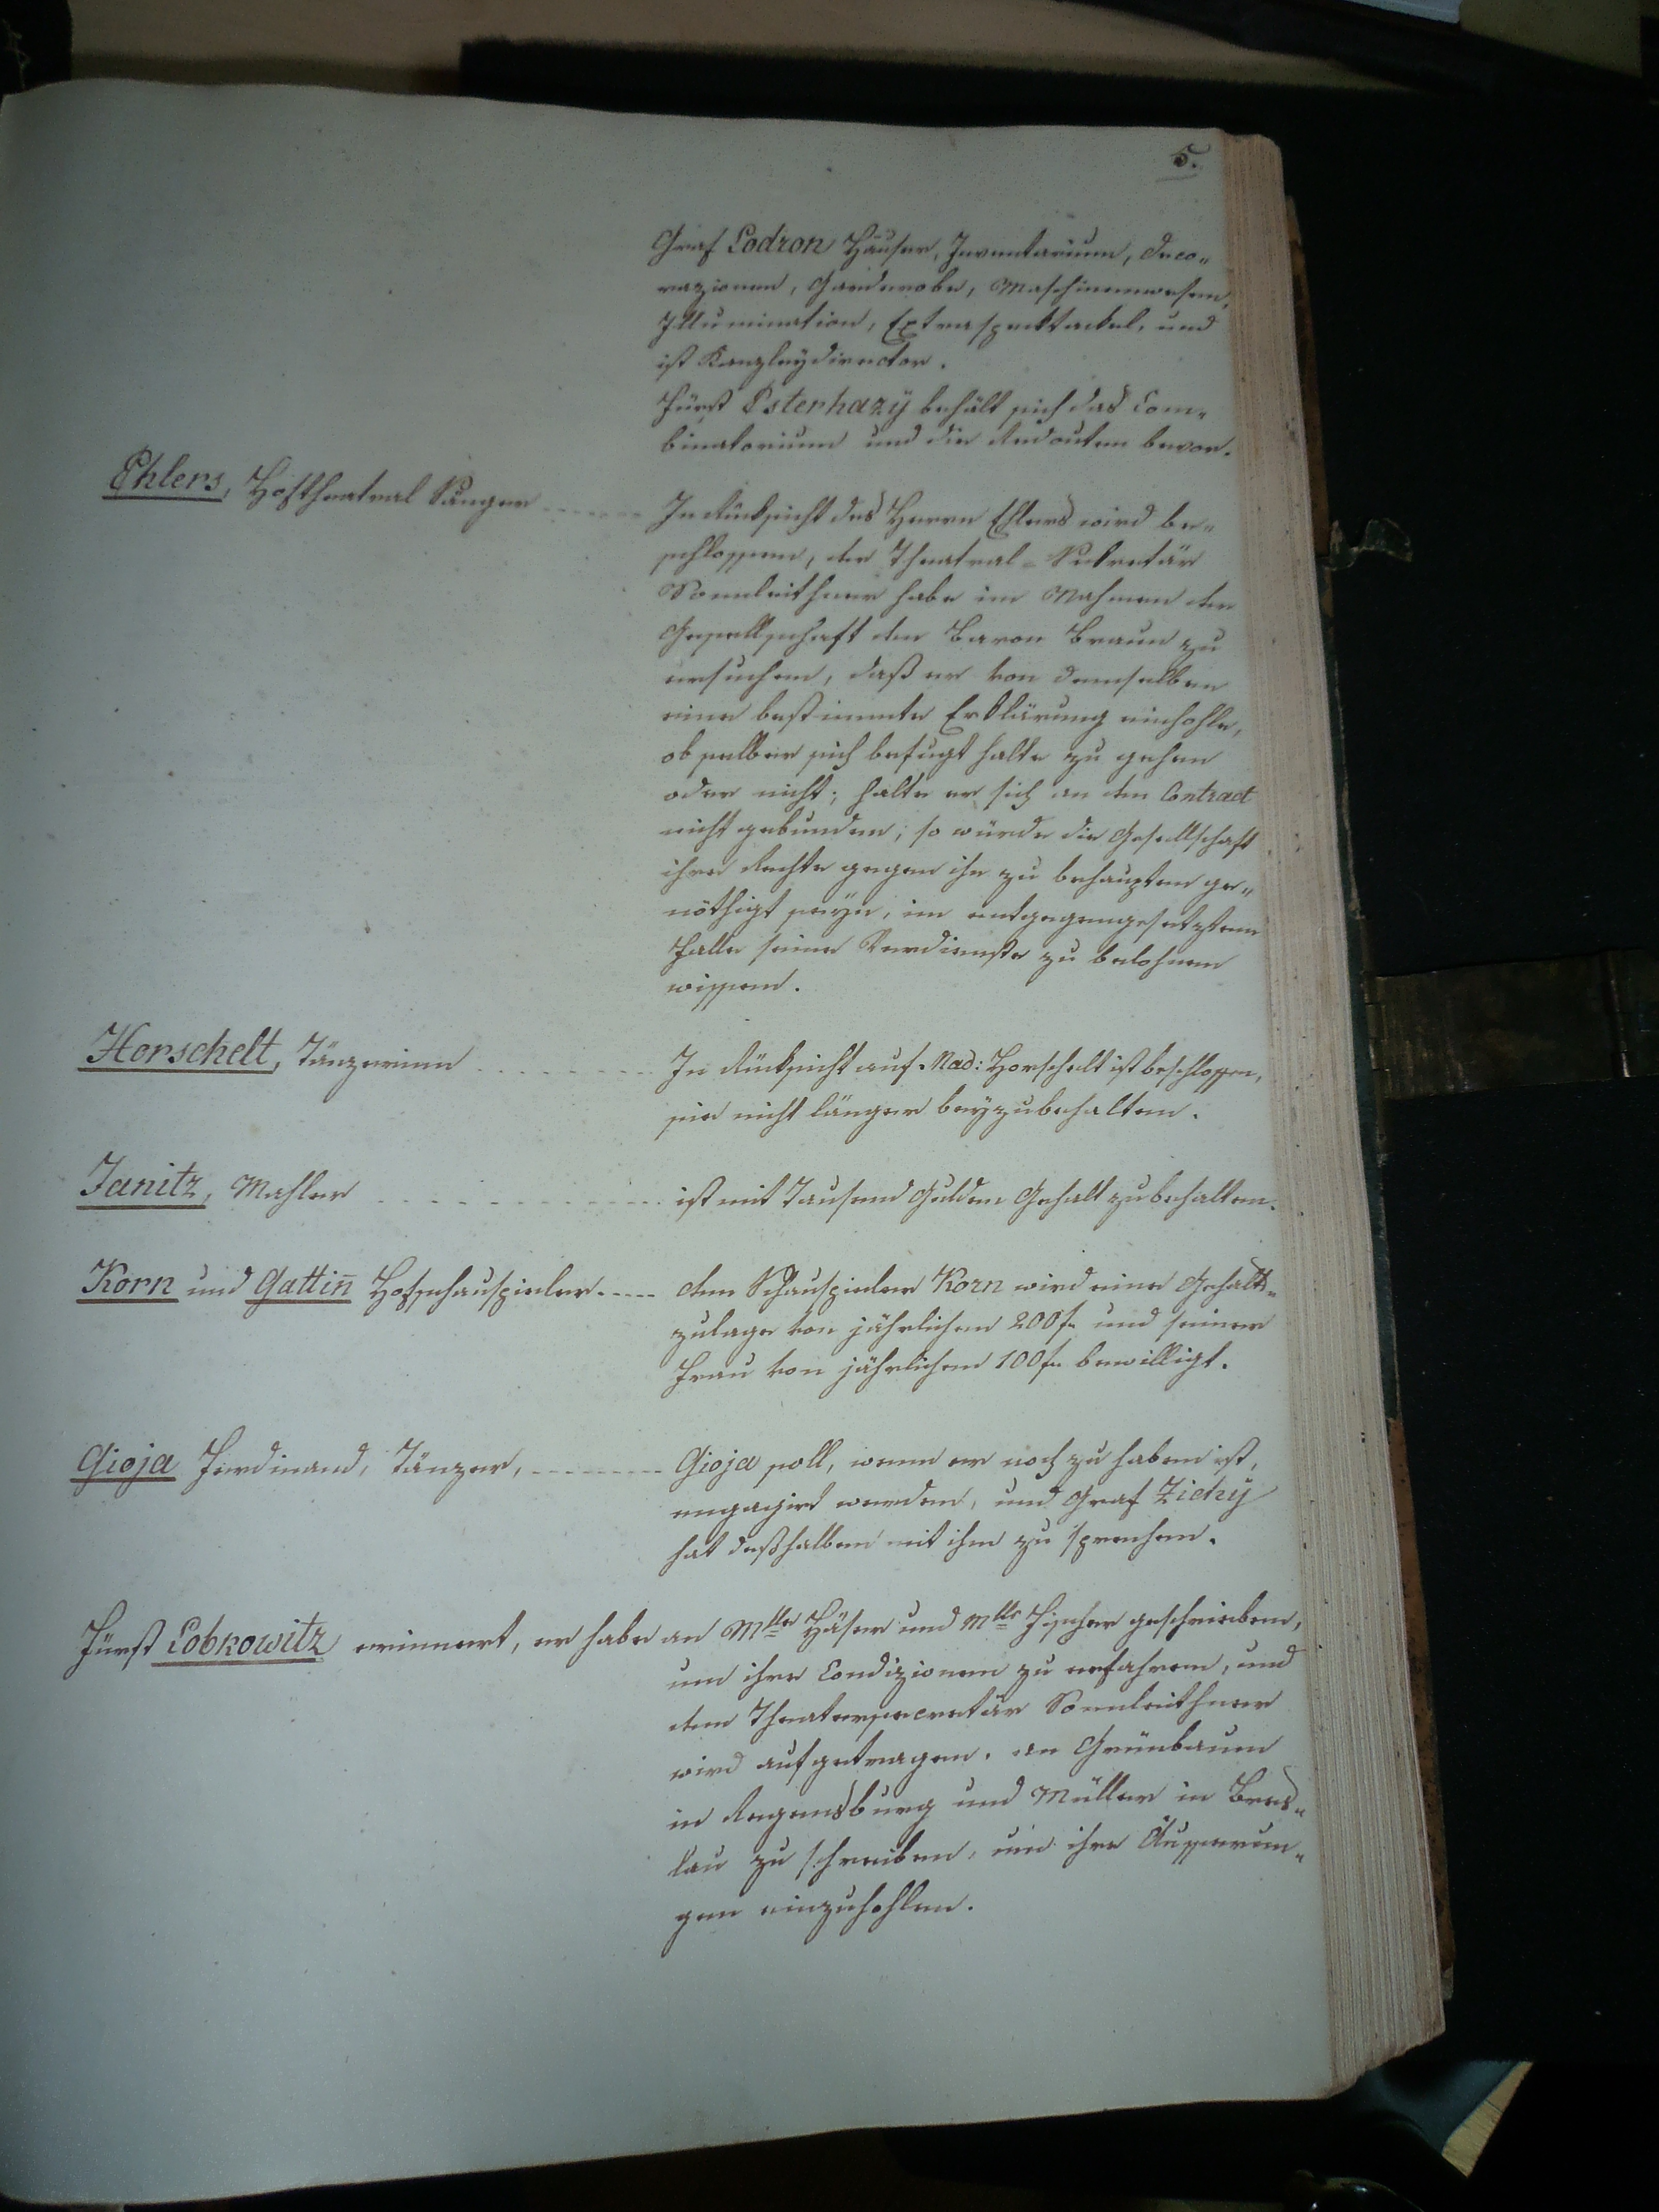5.
Graf Lodron Häuser, Inventarium, Deco¬
razionen, Garderobe, Maschinenwesen,
Illumination, Extraspektackel, und
ist Kanzleidirector.
Fürst Esterhazy behält sich das Com¬
binatorium und die Redouten bevor.
Ehlers, Hoftheatral Sänger ……. In Rücksicht des Herrn Ehlers wird be¬
schlossen, der Theatral‗Sekretär
Sonnleithner habe im Nahmen der
Gesellschaft den Baron Braun zu
ersuchen, daß er von demselben
eine bestimmte Erklärung einhohle,
ob selber sich befugt halte zu gehen
oder nicht; halte er sich an den Contract
nicht gebunden; so würde die Gesellschaft
ihre Rechte gegen ihn zu behaupten ge¬
nöthigt seyn, im entgegengesetztem
Falle seine Verdienste zu belohnen
wissen.
Horschelt, Tänzerinn ……… In Rücksicht auf Mad: Horschelt ist beschlossen,
sie nicht länger beyzubehalten.
Janitz, Mahler …………. ist mit Tausend Gulden Gehalt zubehalten.
Korn und Gattin̅ Hofschauspieler ….. Der Schauspieler Korn wird eine Gehalts¬
zulage von jährlichen 200fn und seiner
Frau von jährlichen 100fn bewilligt.
Gioja Ferdinand, Tänzer, ……… Gioja soll, wenn er noch zu haben ist,
engagird werden, und Graf Zichy
hat deßhalben mit ihm zu sprechen.
Fürst Lobkowitz erinnert, er habe an Mll͇e Häser und Mll͇e Fischer geschrieben,
um ihre Condizionen zu erfahren, und
dem Theatersecretär Sonnleithner
wird aufgetragen, an Grünbaum
in Regensburg und Müller in Bres¬
lau zu schreiben, um ihre Äusserrun¬
gen einzuhohlen.